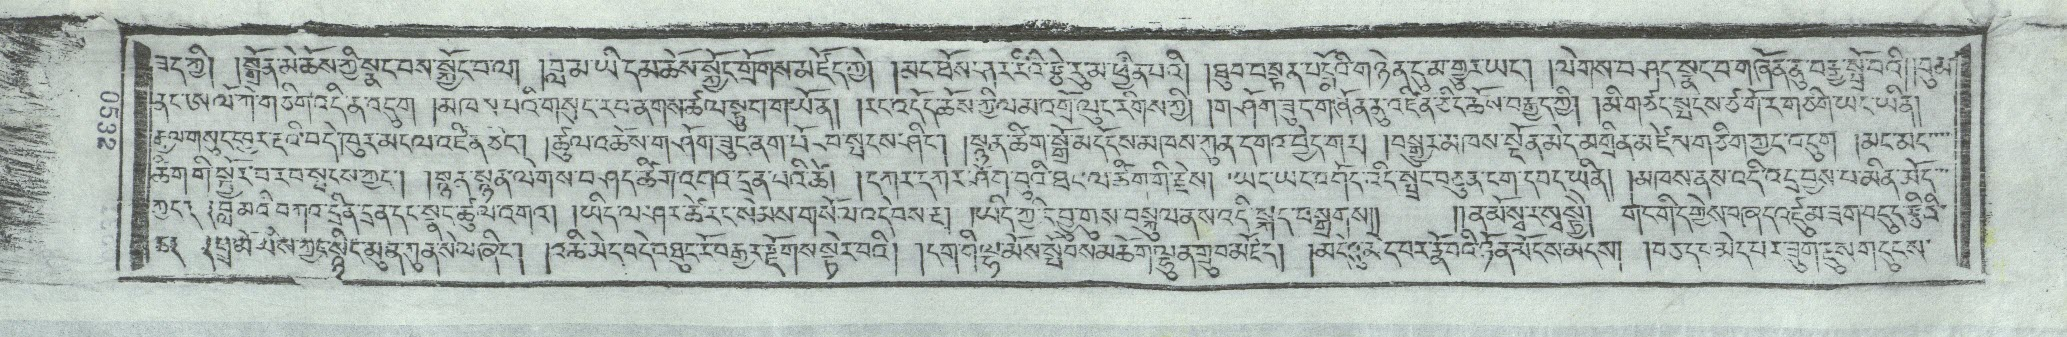མེད་ཀྱི། །སྒྲོན་མེ་ཆོས་ཀྱི་སྣང་བས་སྐྱོང་བལ། །བླ་མ་ཡི་དམ་ཆོས་སྐྱོང་གྲོགས་མཛོད་ཀྱེ། །མང་ཐོས་ཤར་རིའི་རྩེ་རུ་མ་ཕྱིན་པའི། །ཐུབ་བསྟན་པ་འདྲོ་བི་གཉེན་དུ་མ་གར་ཡང་། །ལེགས་བཤད་སྣང་བ་གཞོན་ནུ་བརྒྱ་སྤྲོ་པའི། །བུམ་
ནང་ཨ་ལོ་ཀེ་གཅིག་འདི་ན་འདུག །མཁས་པའི་གསུང་རབ་ནགས་ཚལ་སྟུག་གཡོན། །རང་འདོད་ཆོས་ཀྱི་ལམ་འགྲོ་ལུང་རིགས་ཀྱི། །གཤོག་ཟུང་གཞོན་ནུ་འཛིན་ཅིང་ཆོས་བརྒྱད་ཀྱི། །མི་གཙང་སྤངས་ཙ་གོར་གཅིག་ཡང་ཡིན། །
རྒྱལ་གསུང་དབྱར་རྔའི་བདེ་ཁུར་མང་ལ་འཛིན་ཅིང་། །ཚུལ་འཆོས་གཤོག་ཟུང་ནག་པོ་རབ་བ་སྤངས་ཤིང་། །སྙན་ཚིག་སྒྲོ་མ་དངོས་མཁས་ཀུན་དགའ་བྱེད་གར། །བསྒྱུར་མཁས་སྔོན་མེད་མགྲིན་མཛེས་གཅིག་ཀྱང་འདུག། །མང་མང་
ཚིག་གི་སྦྱོར་བ་རབ་སྤངས་ཀྱང་། །སྙན་སྙན་ལེགས་བཤད་ཚིགས་འགའ་དྲན་པའི་ཚེ། །དཀར་དཀར་ཤོག་བུའི་ཐང་ལ་ཚིག་གི་རྗེས། །ཡང་ཡང་འགོད་འདི་སྤྲང་བཅུན་ངག་དབང་ཡིན། །མཁས་ནས་འདི་འདྲ་བྱས་པ་མིན་མོད་
ཀྱང༑ ༑བློ་མའི་བཀའ་དྲིན་དྲན་དང་སྣང་ཚུལ་འགའ། །ཡིད་ལ་ཤར་ཚེ་རང་སེམས་གསོལ་འདེབས་རྔ། །ཡིད་ཀྱི་དེ་བྱུ་གུས་བསྐུལ་ནས་འདི་སྐད་བསྒྲགས།། །།ན་མོ་སྭ་ར་སྭ་སྟྱཻ། གང་གི་དགྱེས་བཞད་འཛུམ་ཟག་བདུད་རྩིའི་
ཆ༑ ༑ཕྲ་མེ་ཡིས་ཀྱང་སྙིང་མུན་ཀུན་སེལ་ཞིང་། །འཆི་མེད་བདེ་འཐུང་རོ་བརྒྱར་རྫོགས་སྟེར་བའི། །དག་གི་ལྷ་མོས་སྤོ་བསམ་མཆོག་ལྷུན་གྲུབ་མཛོད། །མེ་དེའུ་མེད་པར་རྣོ་བའི་ཉོན་མོངས་མས། །བཅད་དང་མེད་པར་བྲུག་ཛུས་གདུངས་